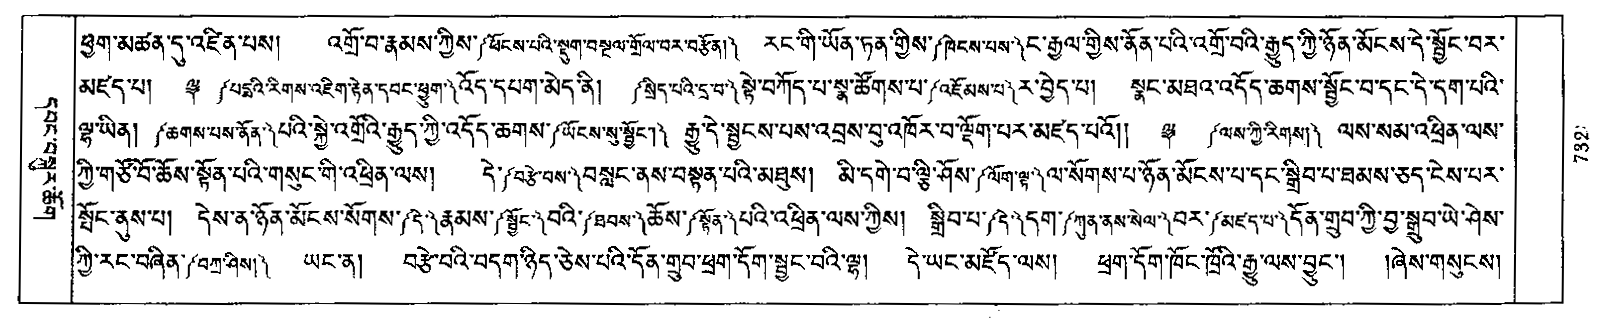ཕྱག་མཚན་དུ་འཛིན་པས། འགྲོ་བ་རྣམས་ཀྱིས ༼ཕོངས་པའི་སྡུག་བསྔལ་གྲོལ་བར་བརྩོན།?་རང་གི་ཡོན་ཏན་གྱིས་༽ཁེངས་པས྄་ང་རྒྱལ་གྱིས་ནོན་པའི་འགྲོ་བའི་རྒྱུད་ཀྱི་ཉོན་མོངས་དེ་སྦྱོང་བར་
མཛད་པ། ༈ ༼པདམའི་རིགས་འཇིག་རྟེན་དབང་ཕྱུག྄་འོད་དཔག་མེད་ནི། ༽སྲིད་པའི་དྲ་བ྄་སྟེ་བཀོད་པ་སྣ་ཚོགས་པ་འཇོམས་པ྄་ར་བྱེད་པ། སྣང་མཐའ་འདོད་ཆགས་སྦྱོང་བ་དང་དེ་དག་པའི་
ལྷ་ཡིན། ༼ཆགས་པས་ནོན྄་པའི་སྐྱེ་འགྲོའི་རྒྱུད་ཀྱི་འདོད་ཆགས་༽ཡོངས་སུ་སྦྱོང་།?་རྒྱུ་དེ་སྦྱངས་པས་འབྲས་བུ་འཁོར་བ་ལྡོག་པར་མཛད་པའོ།། ༈ ལས་ཀྱི་རིགས།?་ལས་སམ་འཕྲིན་ལས་
ཀྱི་གཙོ་བོ་ཆོས་སྟོན་པའི་གསུང་གི་འཕྲིན་ལས། དེ ༼བརྩེ་བས྄་བསླང་ནས་བསྟན་པའི་མཐུས། མི་དགེ་བ་ལྕི་ཤོས་༽ལོག་ལྟ྄་ལ་སོགས་པ་ཉོན་མོངས་པ་དང་སྒྲིབ་པ་ཐམས་ཅད་ངེས་པར་
སྤོང་ནུས་པ། དེས་ན་ཉོན་མོངས་སོགས ༼ད྄ེ་རྣམས་༽སྦྱོང྄་པའི ༼ཐབས྄་ཆོས་༽སྟོན྄་པའི་འཕྲིན་ལས་ཀྱིས། སྒྲིབ་པ ༼ད྄ེ་དག་༽ཀུན་ནས་སེལ྄་བར་མཛད་པ྄་དོན་གྲུབ་ཀྱི་བྱ་སྒྲུབ་ཡེ་ཤེས་
ཀྱི་རང་བཞིན་བཀྲ་ཤིས྄་ཡང་ན། བརྩེ་བའི་བདག་ཉིད་ཅེས་པའི་དོན་གྲུབ་ཕྲག་དོག་སྦྱང་བའི་ལྷ། དེ་ཡང་མཛོད་ལས། ཕྲག་དོག་ཁོང་ཁྲོའི་རྒྱུ་ལས་བྱུང་། །ཞེས་གསུངས།